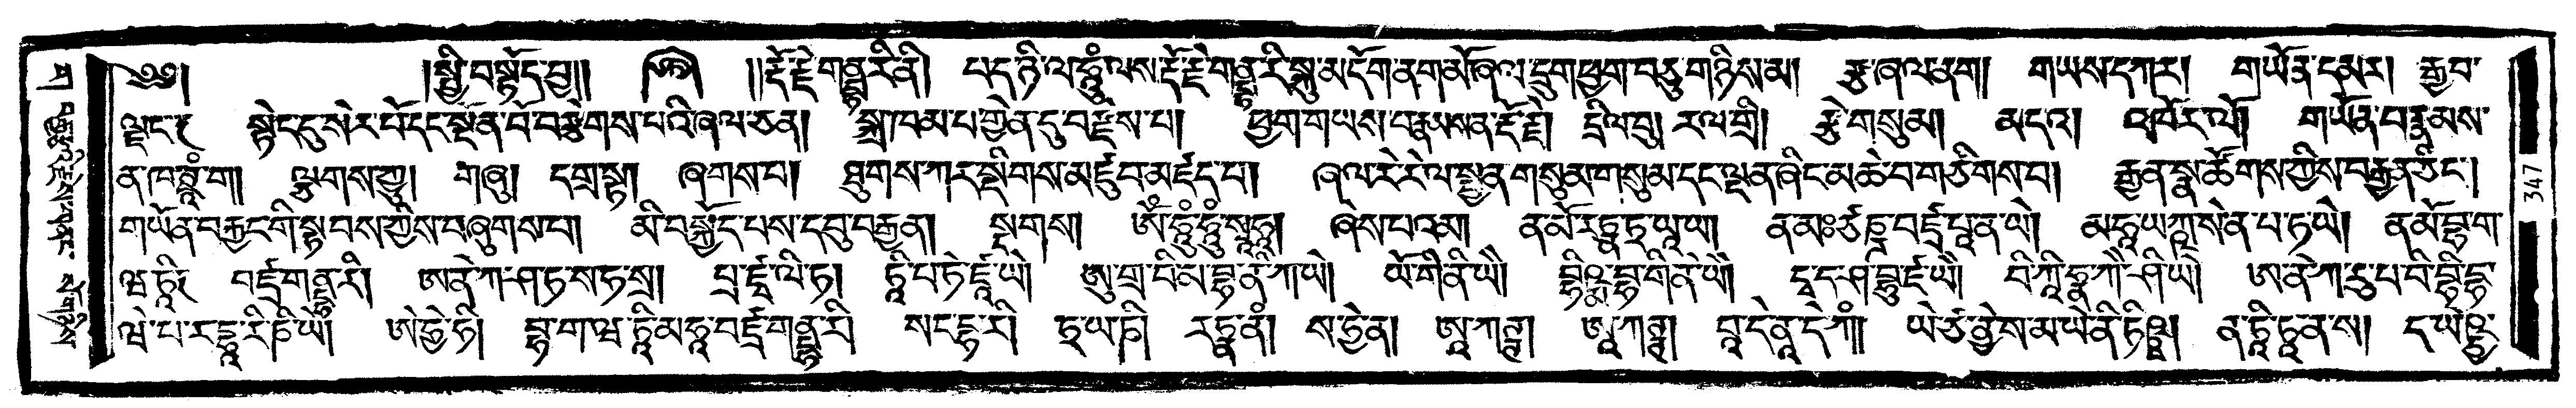༄༅། །སྤྱི་བསྟོད་བྱ།། ༦༩?་།།རྡོ་རྗེ་གནྡྷ་རི་ནི། པད་ཉི་ལ་ཧཱུཾ་ལས་རྡོ་རྗེ་གནྡྷ་རི་སྐུ་མདོག་ནག་མོ་ཞལ་དྲུག་ཕྱག་བཅུ་གཉིས་མ། རྩ་ཞལ་ནག། གཡས་དཀར། གཡོན་དམར། རྒྱབ་
ལྗང༑ སྟེང་དུ་སེར་པོ་དང་སྔོན་པོ་བརྩེགས་པའི་ཞལ་ཅན། སྐྲ་ཁམ་པ་གྱེན་དུ་བརྫེས་པ། ཕྱག་གཡས་པ་རྣམས་ན་རྡོ་རྗེ། དྲིལ་བུ། རལ་གྲི། རྩེ་གསུམ། མདའ། འཁོར་ལོ། གཡོན་པ་རྣམས་
ན་ཁ་ཊྭཱཾ་ག། ལྕགས་ཀྱུ། གཞུ། དགྲ་སྟ། ཞགས་པ། ཐུགས་ཀར་སྡིགས་མཛུབ་མཛད་པ། ཞལ་རེ་རེ་ལ་སྤྱན་གསུམ་གསུམ་དང་ལྡན་ཞིང་མཆེ་བ་གཙིགས་པ། རྒྱན་སྣ་ཚོགས་ཀྱིས་བརྒྱན་ཅིང་།
གཡོན་བརྐྱང་གི་སྟབས་ཀྱིས་བཞུགས་པ། མི་བསྐྱོད་པས་དབུ་བརྒྱན། སྔགས། ཨོཾ་ཧཱུཾ་ཧཱུཾ་སྭཱཧཱ། ཞེས་པའམ། ན་མོ་རཏྣ་ཏྲ་ཡཱ་ཡ། ན་མཿཙཎྜ་བཛྲ་པཱ་ན་ཡེ། མཧཱ་ཡཀྵ་སེ་ན་པ་ཏ་ཡེ། ན་མོ་བྷ་ག་
ཝ་ཏཱི༑ བཛྲ་གནྡྷ་རི། ཨ་ནེ་ཀ་ཤ་ཧ་ས་ཧ་སྲ། པྲ་ཛྭ་ལི་ཏ། ཏཱི་པ་ཏེ་ཛཱ་ཡེ། ཨུ་གྲ་བི་མ་བྷ་ནི་ཀ་ཡེ། ཡོ་གི་ནི་ཡཻ། བྷིཥྨ་བྷ་གི་ནེ་ཡཻ། དྭ་ད་ཤ་བྷུ་ཛ་ཡཻ། བི་ཀཱིཧྣ་ཀཻ་ཤི་ཡེ། ཨ་ནེ་ཀ་རུ་པ་བི་བྷི་དྷ་
ཝེ་པ་ར་དྷཱ་རི་ཎི་ཡེ། ཨེ་ཧྱེ་ཧི། བྷ་ག་ཝ་ཏཱི་མཧཱ་བཛྲ་གནྡྷ་རི། སད་དྷ་རི། ཏྲ་ཡ་ཎི། རཏྣ་ནཾ། ས་ཧྱེ་ན། ཨཱ་ཀཊྚ། ཨཱ་ཀཊྚ། བཱ་དེ་ནཱ་དེ་ཀཾ། ཡེ་ཙ་ནྱེ་ས་མ་ཡེ་ནི་ཏིཥཊཿཨ། ན་ཏཱི་ཏཱ་ན་ས། ད་ཡེ་ཥྡྱ་